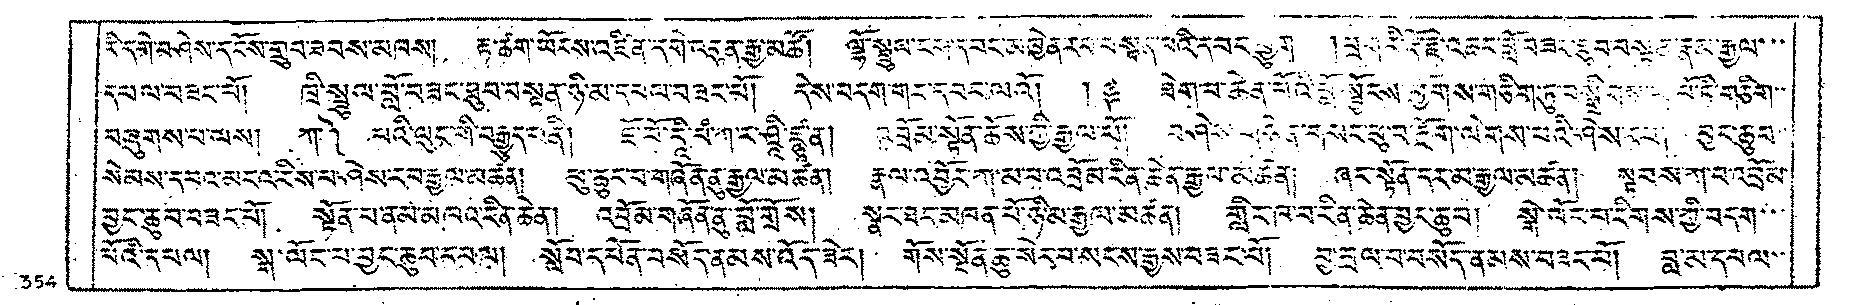རི་དགེ་བཤེས་དངོས་གྲུབ་ཐབས་མཁས། རྟ་ཚག་ཡོངས་འཛིན་དགེ་འདུན་རྒྱ་མཚོ། ལྷོ་སྤྲུལ་ངག་དབང་མཁྱེན་རབ་བསྟན་པའི་དབང་ཕྱུག །བྲག་རི་རྡོ་རྗེ་འཆང་བློ་བཟང་ཐུབ་བསྟན་རྣམ་རྒྱལ་
དཔལ་བཟང་པོ། ཁྲི་སྤྲུལ་བློ་བཟང་ཐུབ་བསྟན་ཉི་མ་དཔལ་བཟང་པོ། དེས་བདག་གར་དབང་ལའོ། ། ༈ ཐེག་པ་ཆེན་པོའི་བློ་སྦྱོངས་ཕྱོགས་གཅིག་ཏུ་བསྒྲིགས་པ་པོ་ཏི་གཅིག་
བཞུགས་པ་ལས། ཀ྄་པའི་ལུང་གི་བརྒྱུད་པ་ནི། ཇོ་བོ་དཱི་པཾ་ཀ་ར་ཤྲཱི་ཛྙཱ་ན། འབྲོམ་སྟོན་ཆོས་ཀྱི་རྒྱལ་པོ། བཤེས་གཉེན་གསང་ཕུ་བ་རྔོག་ལེགས་པའི་ཤེས་རབ། བྱང་ཆུབ་
སེམས་དཔའ་མངའ་རིས་པ་ཤེས་རབ་རྒྱལ་མཚན། ཕུ་ཆུང་བ་གཞོན་ནུ་རྒྱལ་མཚན། རྣལ་འབྱོར་ཀ་མ་པ་འབྲོམ་རིན་ཆེན་རྒྱལ་མཚན། ཞང་སྟོན་དར་མ་རྒྱལ་མཚན། སྟབས་ཀ་བ་འབྲོམ་
བྱང་ཆུབ་བཟང་པོ། སྟོན་པ་ནམ་མཁའ་རིན་ཆེན། འབྲོམ་གཞོན་ནུ་བློ་གྲོས། སྣར་ཐང་མཁན་པོ་ཉི་མ་རྒྱལ་མཚན། གླིང་ཁ་བ་རིན་ཆེན་བྱང་ཆུབ། སྒེ་ལོང་པ་རིགས་ཀྱི་བདག་
པོའི་དཔལ། སྒ་ལོང་བ་བྱང་ཆུབ་དཔལ། སློབ་དཔོན་བསོད་ནམས་འོད་ཟེར། གོས་སྔོན་ཆུ་སེར་བ་སངས་རྒྱས་བཟང་པོ། བྱ་བྲལ་བ་བསོད་ནམས་བཟང་པོ། བླ་མ་དཔལ་